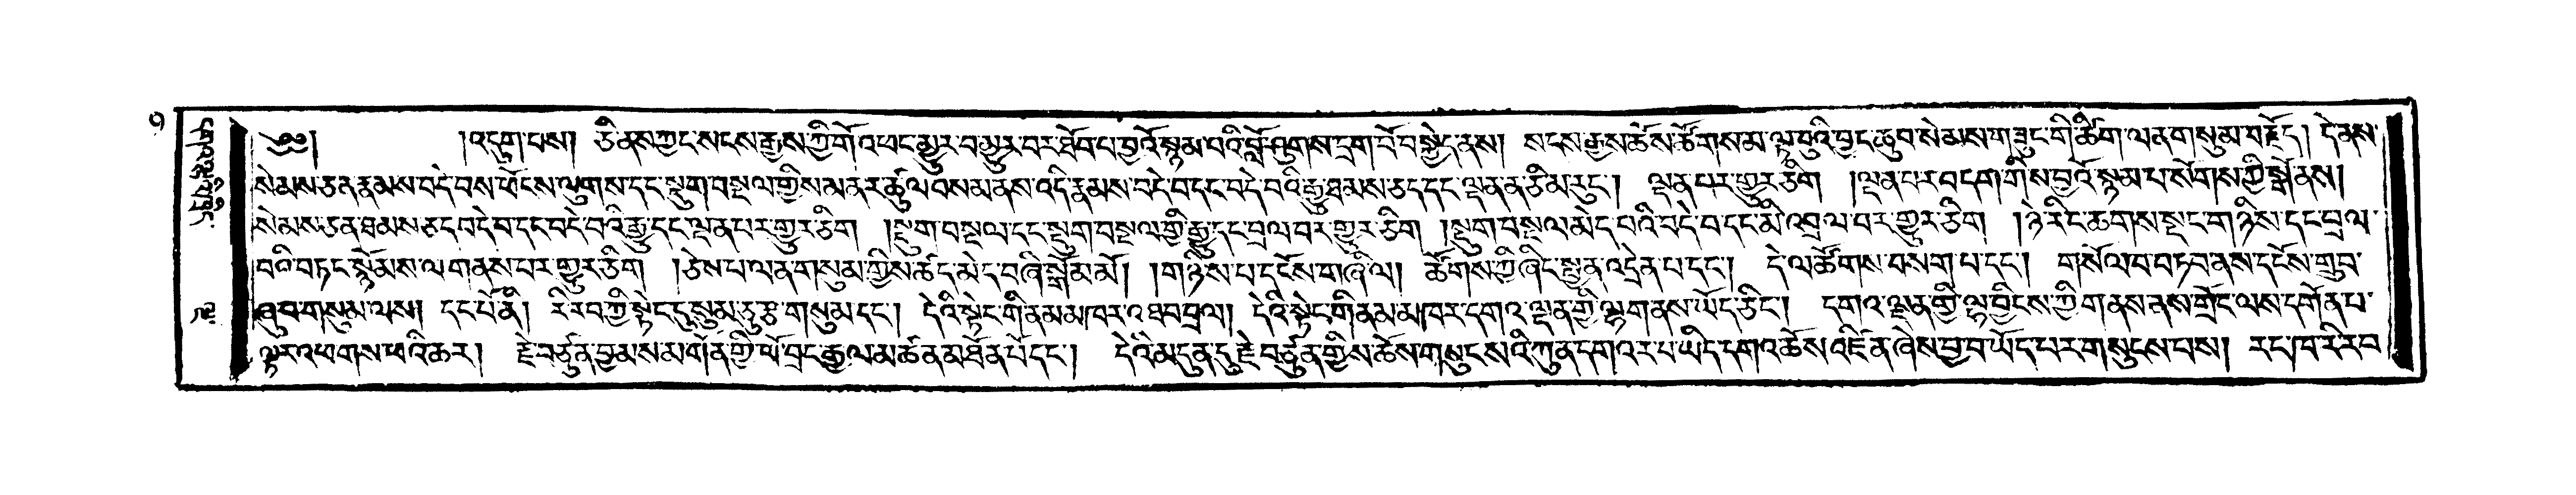༄༅། །འདུག་པས། ཅི་ནས་ཀྱང་སངས་རྒྱས་ཀྱི་གོ་འཕང་མྱུར་བ་མྱུར་བར་ཐོབ་པ་བྱའོ་སྙམ་པའི་བློ་ཤུགས་དྲག་པོ་བསྐྱེད་ནས། སངས་རྒྱས་ཆོས་ཚོགས་མ་ལྟ་བུའི་བྱང་ཆུབ་སེམས་གཟུང་གི་ཚིག་ལན་གསུམ་བརྗོད། །དེ་ནས་
སེམས་ཅན་རྣམས་བདེ་བས་ཕོངས་ལུགས་དང་སྡུག་བསྔལ་གྱིས་མནར་ཚུལ་བསམ་ནས་འདི་རྣམས་བདེ་བ་དང་བདེ་བའི་རྒྱུ་ཐམས་ཅད་དང་ལྡན་ན་ཅི་མ་རུང་། ལྡན་པར་གྱུར་ཅིག། ལྡན་པར་བདག་གིས་བྱའོ་སྙམ་པ་སོགས་ཀྱི་སྒོ་ནས།
སེམས་ཅན་ཐམས་ཅད་བདེ་བ་དང་བདེ་བའི་རྒྱུ་དང་ལྡན་པར་གྱུར་ཅིག །སྡུག་བསྔལ་དང་སྡུག་བསྔལ་གྱི་རྒྱུ་དང་བྲལ་བར་གྱུར་ཅིག། །སྡུག་བསྔལ་མེད་པའི་བདེ་བ་དང་མི་འབྲལ་བར་གྱུར་ཅིག། ཉེ་རིང་ཆགས་སྡང་གཉིས་དང་བྲལ་
བའི་བཏང་སྙོམས་ལ་གནས་པར་གྱུར་ཅིག །ཅེས་པ་ལན་གསུམ་གྱིས་ཚད་མེད་བཞི་སྒོམ་མོ། །གཉིས་པ་དངོས་གཞི་ལ། ཚོགས་ཀྱི་ཞིང་སྤྱན་འདྲེན་པ་དང་། དེ་ལ་ཚོགས་བསག་པ་དང་། གསོལ་བ་བཏབ་ནས་དངོས་གྲུབ་
ཞུ་བ་གསུམ་ལས། དང་པོ་ནི། རི་རབ་ཀྱི་སྟེང་དུ་སུམ་ཅུ་རྩ་གསུམ་དང་། དེའི་སྟེང་གི་ནམ་མཁར་ཐབ་བྲལ་དེའི་སྟེང་གི་ནམ་མཁར་དགའ་ལྡན་གྱི་ལྷག་ནས་ཡོད་ཅིང་། དགའ་ལྡན་གྱི་ལྷ་བྱིངས་ཀྱི་གནས་ནས་གྲོང་ལས་དགོན་པ་
ལྟར་འཕགས་པའི་ཆར། རྗེ་བཙུན་བྱམས་མགོན་གྱི་ཕོ་བྲང་རྒྱལ་མཚན་མཐོན་པོ་དང་། དེའི་མདུན་དུ་རྗེ་བཙུན་གྱིས་ཆོས་གསུང་སའི་ཀུན་དགའ་ར་བ་ཡིད་དགའ་ཆོས་འཛིན་ཞེས་བྱ་བ་ཡོད་པར་གསུངས་པས། རང་ཁ་རི་རབ་